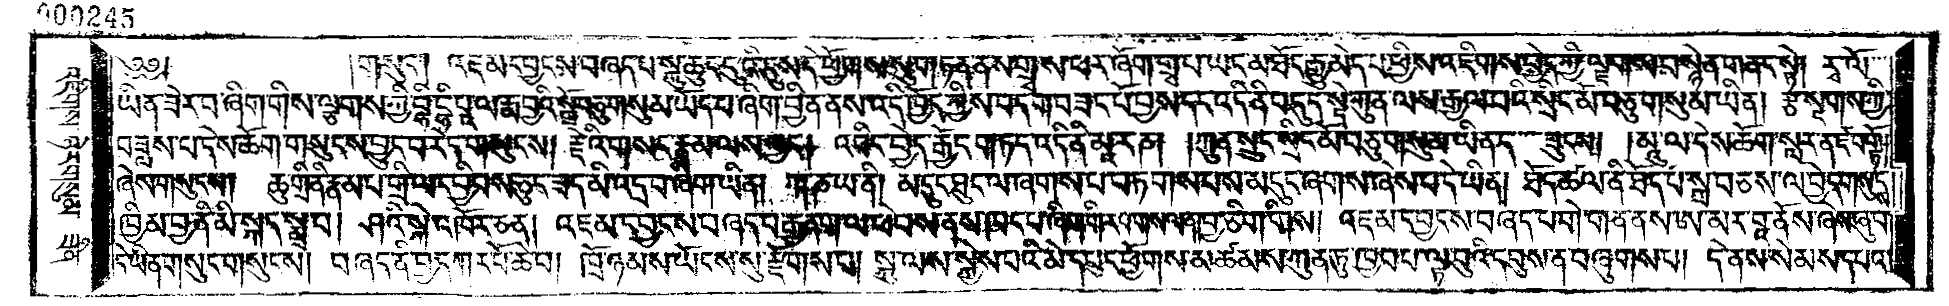༄༅། །གསུང་། འཇམ་དབྱངས་བཞད་པ་སྐུ་ཆུང་ངུའི་དུས་དེ་ཕྱོགས་སུ་གཏན་ནས་གྲྭ་ས་ཕར་ཞོག་གྲྭ་པ་ཡང་མཐོང་རྒྱུ་མེད་པ་ཕྱིས་འཇིགས་བྱེད་ཀྱི་ལྗགས་བསྙེན་གནང་སྟེ། རྭ་ལོ་
ཡིན་ཟེར་བ་ཞིག་གིས་ལྕགས་ཀྱི་བྷི་དྷི་པཱ་ལ་རྨ་བྱའི་སྒྲོ་བཅུ་གསུམ་ཡོད་པ་ཞིག་བྱིན་ནས་འདི་ཁྱོད་ཀྱིས་བདག་བཟང་པོ་བྱས་དང་འདི་ནི་བདུད་སྡེ་ཀུན་ལས་རྒྱལ་བའི་སྲིང་མོ་བཅུ་གསུམ་ཡིན། རྩ་སྔགས་ཀྱི་
བཟླས་པ་དེས་ཆོག་གསུངས་བྱུང་བ་རེད་གསུངས། རྗེའི་གསང་རྣམ་ལས་ཀྱང་། འབིང་བྱེད་རྒྱོང་གཏད་འདི་ནི་མཱ་ར་ཎ། །ཀུན་སྲུང་སྲིང་མོ་བཅུ་གསུམ་ཡིན་ད་ཟུངས། །མཱུ་ལ་དེས་ཆོག་སླར་ན་ཛ་བགཏོ།
ཞེས་གསུངས། ཆུ་གྲི་ནི་རྣམ་པ་གྲི་ལ་དབྱིབས་ཅུང་ཟད་མི་འདྲ་བ་ཞིག་ཡིན། ཀ་ཎ་ཡ་ནི། མདུང་ཐུང་ལ་ཞགས་པ་བཏགས་པས་མདུང་ཞགས་ཞེས་པ་དེ་ཡིན། ཐོད་ཚལ་ནི་ཐོད་པ་སྐྲ་བཅས་ལ་བྱེད་གསུངས།
ཁྱིམ་བྱ་ནི་མི་སྐད་སྨྲ་བ། ཤའི་སྐེ་འཁོར་ཅན། འཇམ་དབྱངས་བཞད་པ་རྒྱ་ནག་ལ་ཕེབས་ནས་ཁང་པ་ཞིག་གི་རབ་གསལ་ན། བྱ་ཅིག་གིས། འཇམ་དབྱངས་བཞད་པ་གེ་གན་ནས་ཨ་མར་བཱ་ནོས་ཞེས་ཞུ་བ་
དེ་ཡིན་གསུང་གསུངས། བཞད་ནི་བྱ་དཀར་པོ་ཆེ་བ། ཁྲོ་ཉམས་ཡོངས་སུ་རྫོགས་པ། སྐུ་ལས་སྐྱེས་པའི་མེ་དཔུང་ཕྱོགས་མཚམས་ཀུན་ཏུ་ཁྱབ་པ་ལྟ་བུའི་དབུས་ན་བཞུགས་པ། དེ་ནས་སེམས་དཔའ་